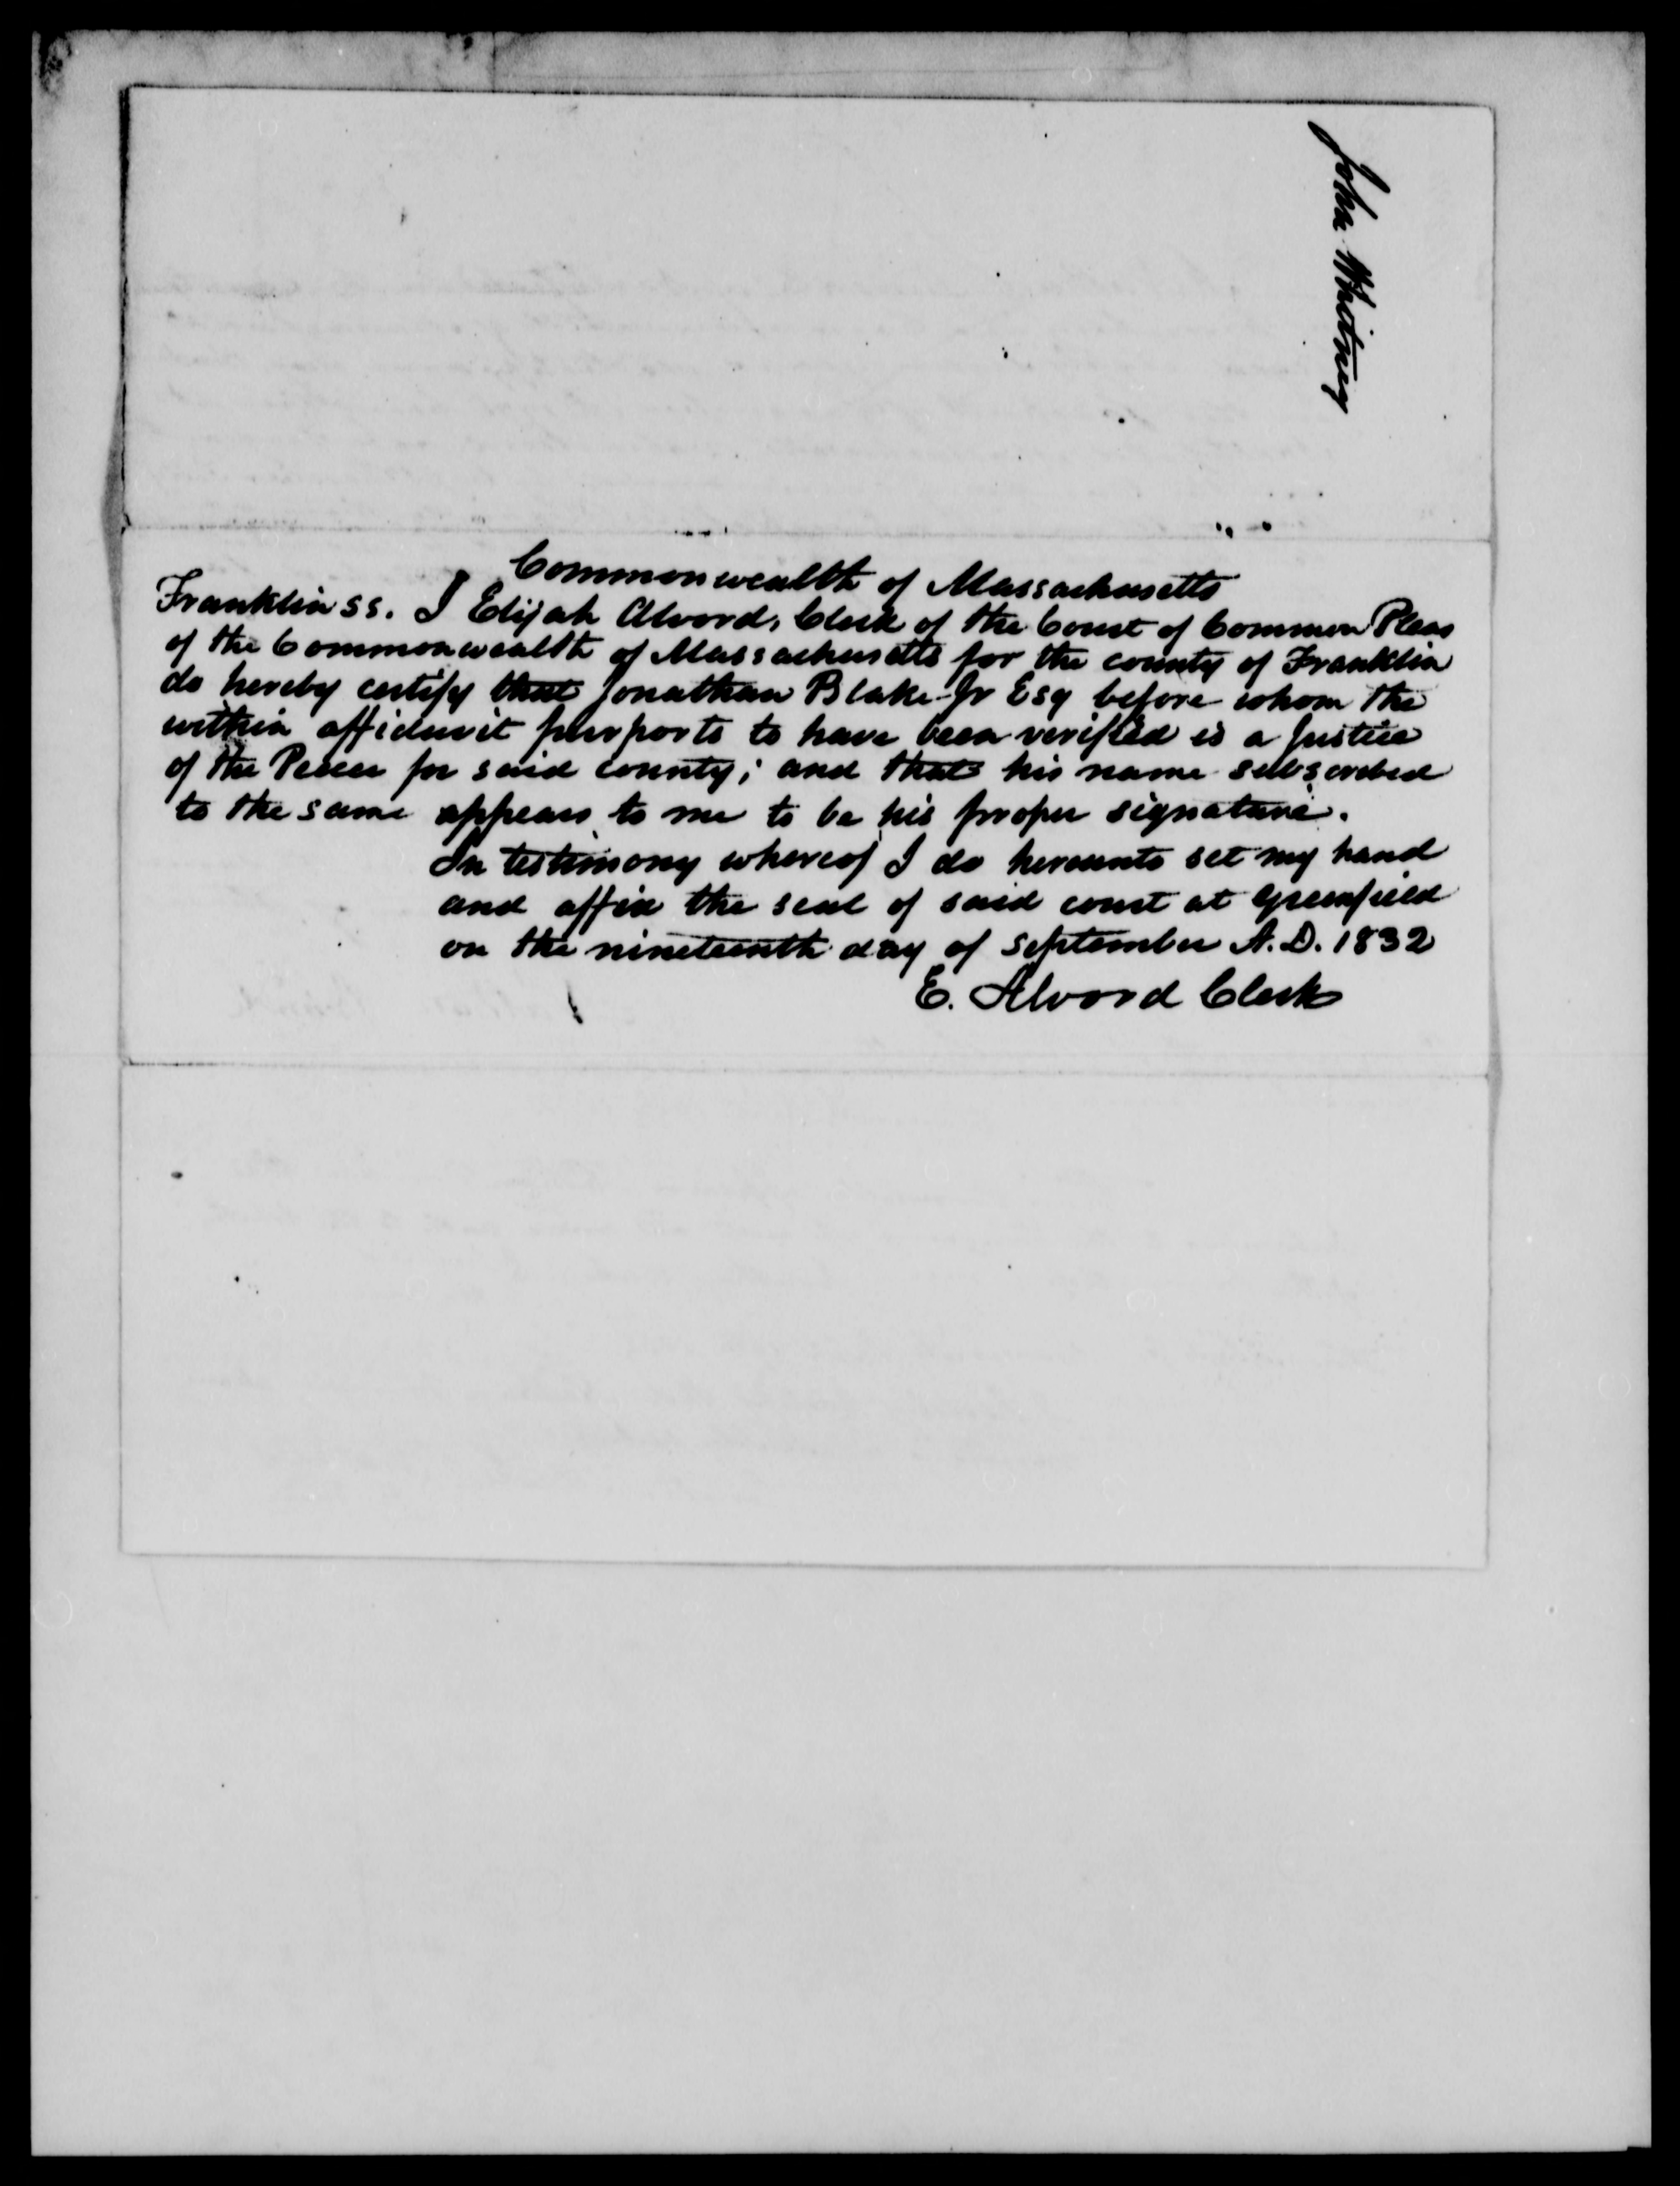Commonwealth of Massachusetts
Franklin ss
I Elijah Alvord, Clerk of the Court of Common Pleas of the Commonwealth of Massachusetts for the county of Franklin do hereby certify that Jonathan Blake Jr. Esq. before whom the within affidavit purports to have been verified is a Justice of the Peace for said County; and that his name subscribed to the same appears to me to be his proper signature.
In testimony whereof I do hereunto set my hand and affix the seal of said Court at Greenfield on the nineteenth day of September A. D. 1832.
E. Alvord, Clerk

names: Elijah Alvord, Jonathan Blake, John Whitney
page: 10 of 10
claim: survivor's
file: S. 30,203, John Whitney, Mass.